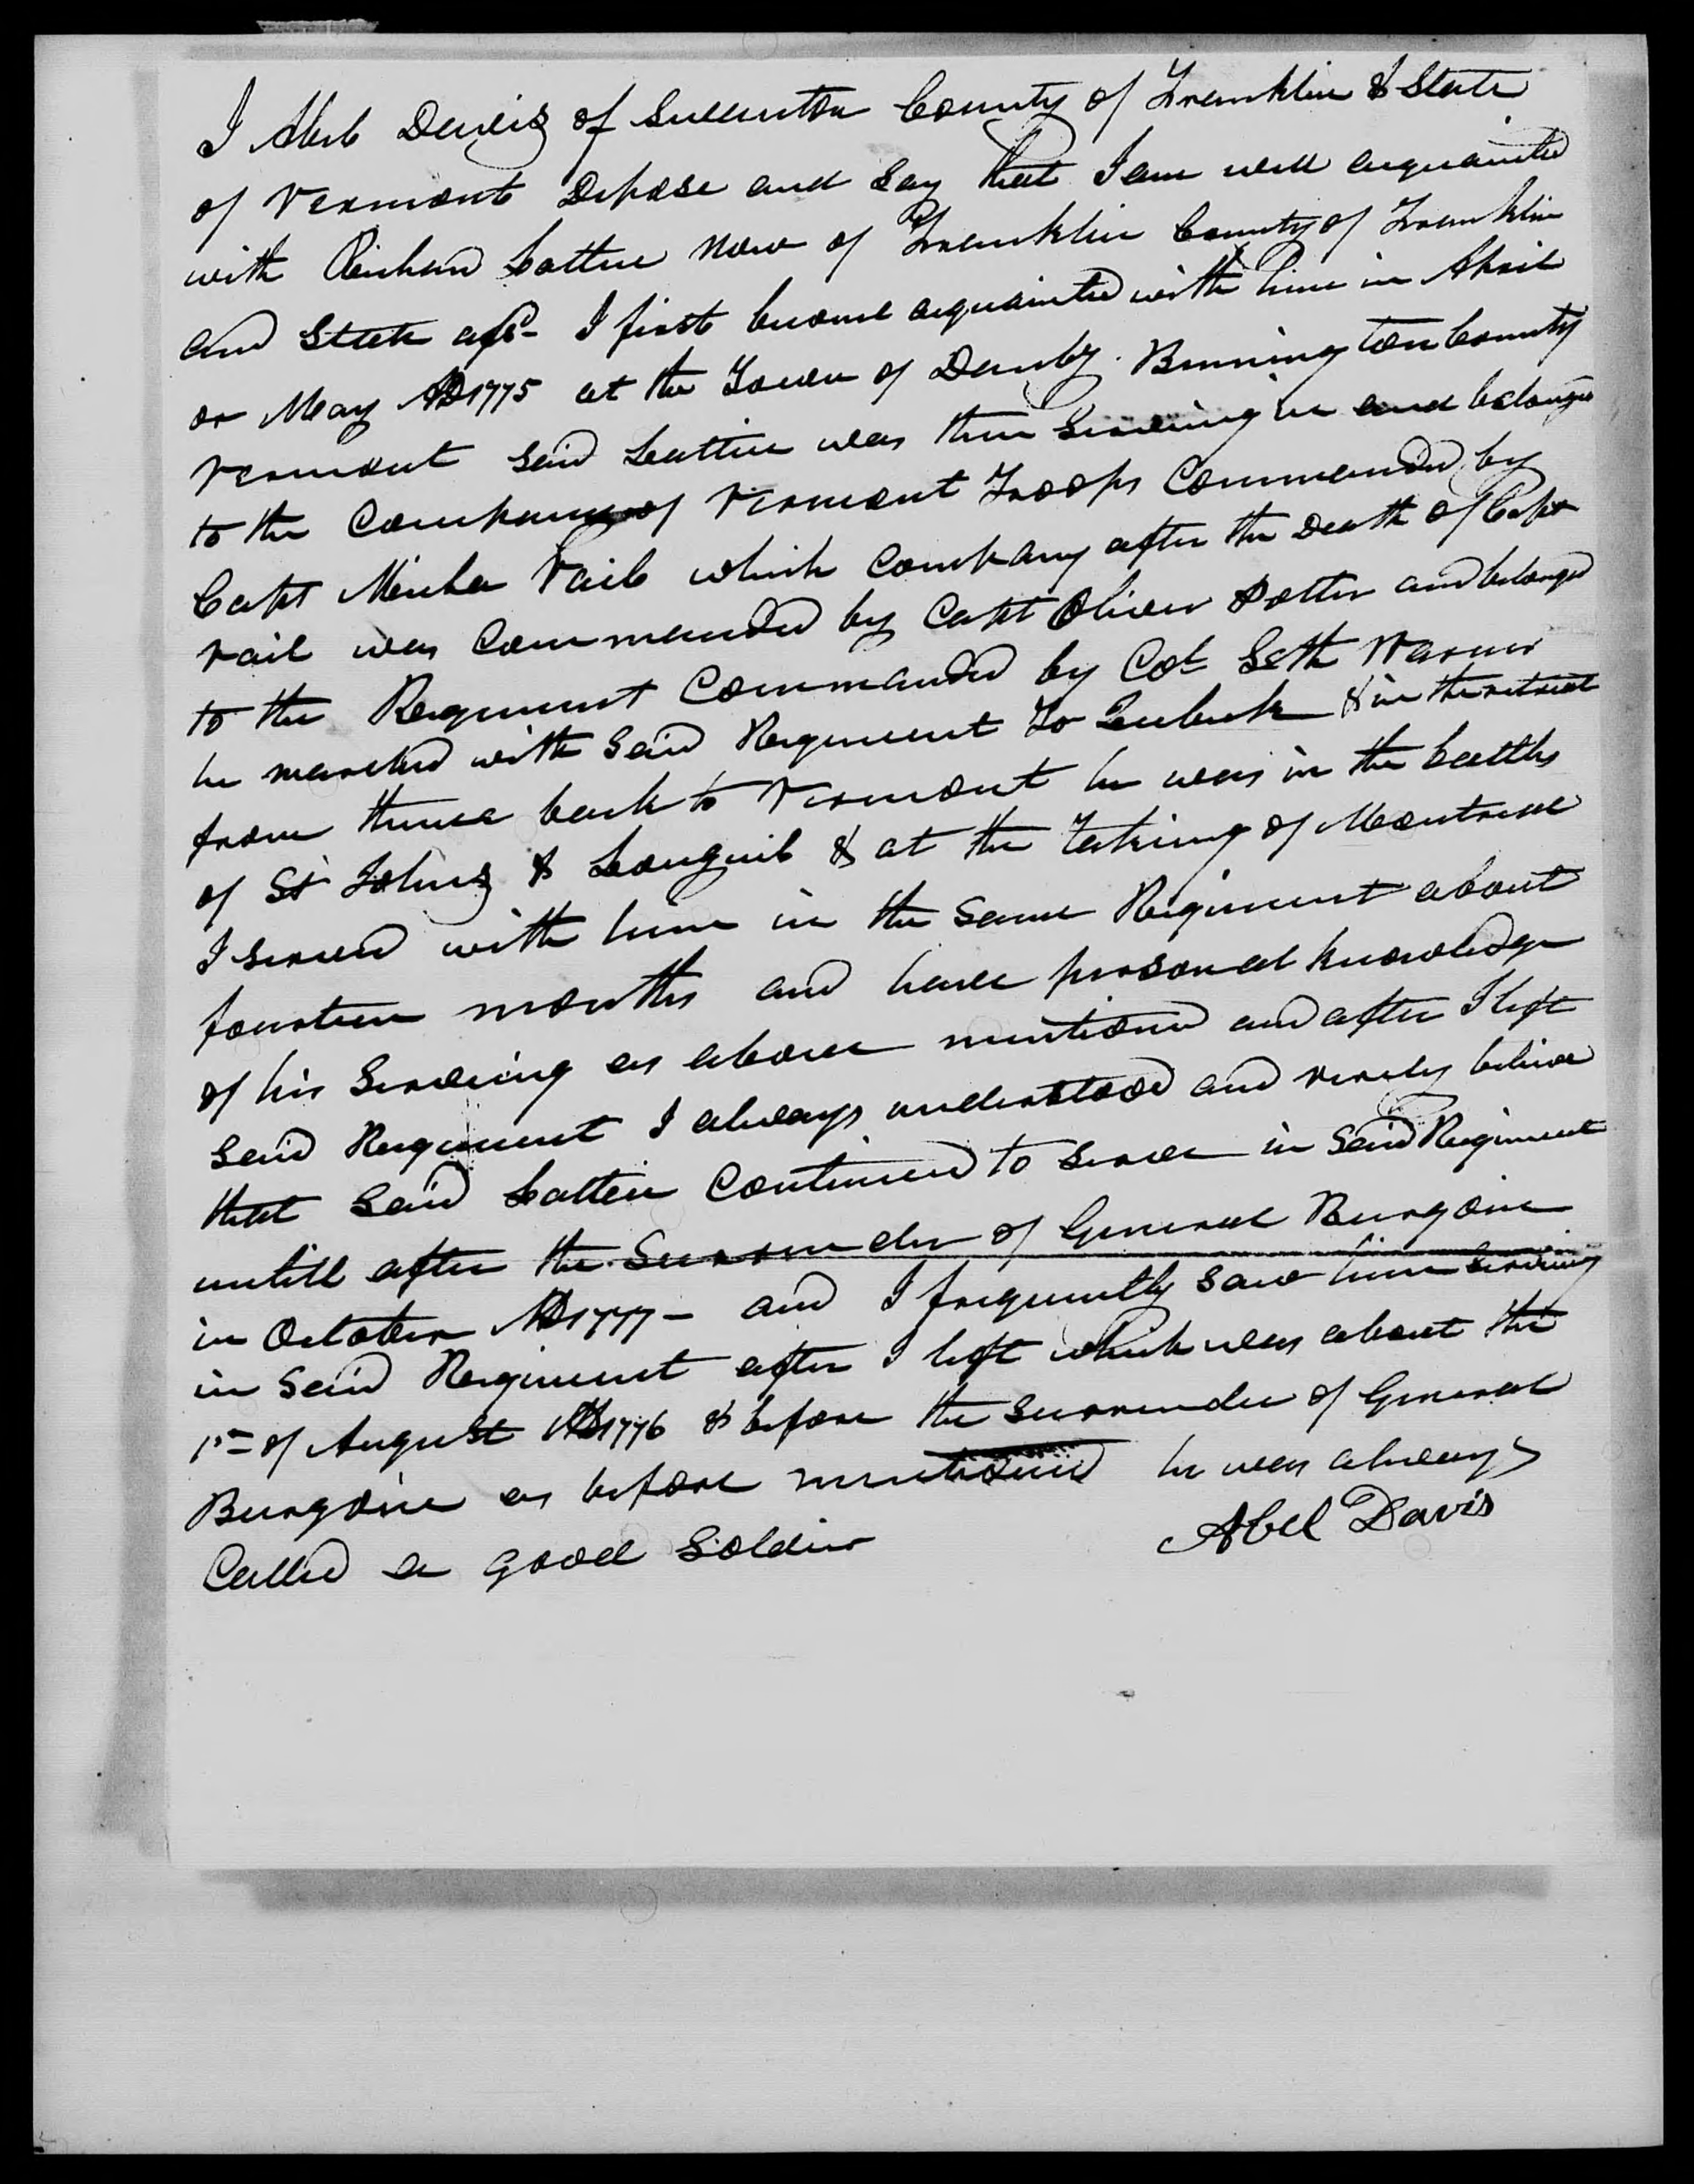I Abel Davis of [Swanton] County of Franklin & State
of Vermont depose and say that I am well acquainted with
Richard Lattin, now of Franklin, County of Franklin and
 State afs’d. and I first became acquainted with him in April
or May A.D.1775 at the Town of Danby Bennington County
Vermont. Said Lattin was then serving in and belonged
to the company of Vermont Troops commanded by
Capt Micha Vail which company after the death of
Vail was commanded by Capt Oliver Potter and belonged
to the Regiment commanded by Col Seth Warner. He
 marched with said Regiment To Quebeck & in the retreat
thence back to Vermont. He was in the battles of St John’s & Longuile & at the taking of Montreal. I served with him in the same Regiment about fourteen months and have personal knowledge of his serving as above mentioned. And after I left
said Regiment I always understood and verily believe
that said Lattin continued to serve in said Regiment
untill after the surrender of General Burgoyne
in October AD 1777- and I frequently saw him serving
in said Regiment after I left which was about the 1st
of August A.D. 1776 & before the surrender of General
Burgoyne as before mentioned. He was always called a good Soldier.
Abel Davis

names: Abel Davis; Richard Lattin; Micha Vail; [BLANK] Burgoin; Oliver Potter; Seth Warner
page: 44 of 99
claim: widow's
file: W. 24,482, for Richard Lattin, Vermont